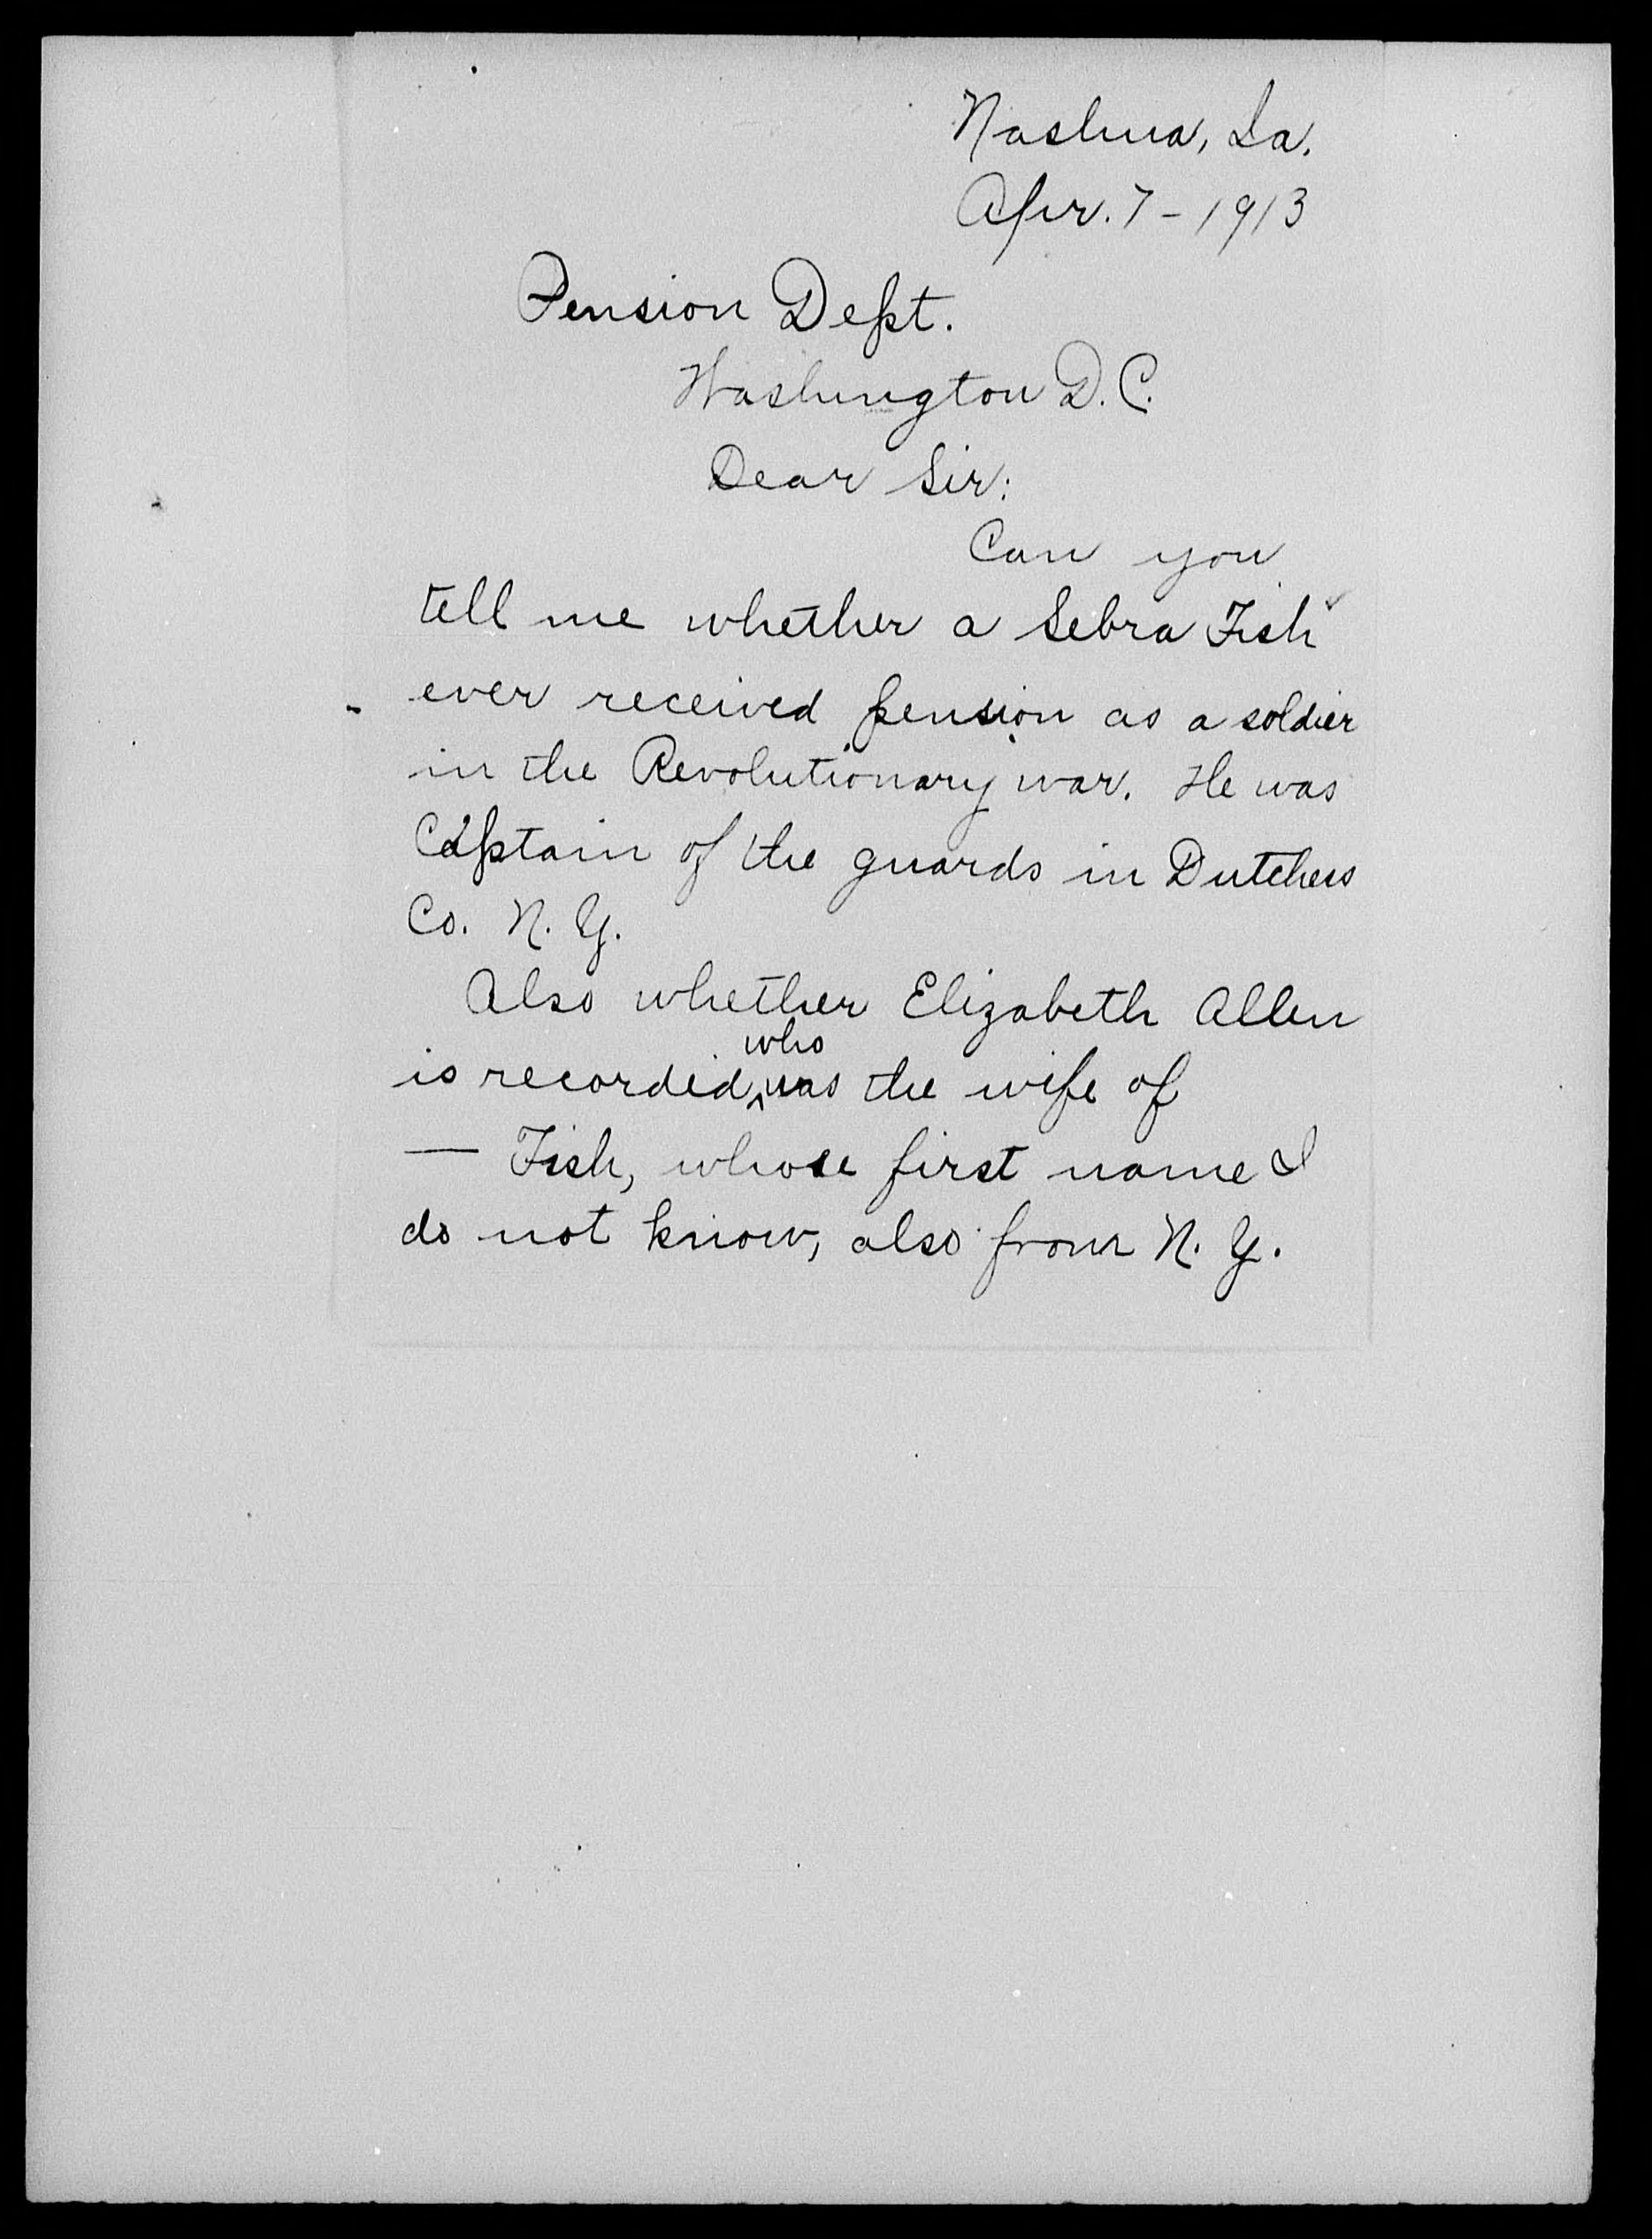Nashua, Ia.
Apr. 7 - 1913

Pension Dept.
Washington D.C.

Dear Sir:
Can you tell me whether a Sebra Fish ever received pension as a soldier in the Revolutionary war. He was Captain of the guards in Dutchess Co. N.Y.
Also whether who Elizabeth Allen is recorded ^ who was the wife of - Fish, whose first name I do not know, also from N.Y.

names: Elizabeth Allen, Sebra Fish, Fish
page: 18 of 26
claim: survivor's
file: S. 29797, Seberry Fish, New York